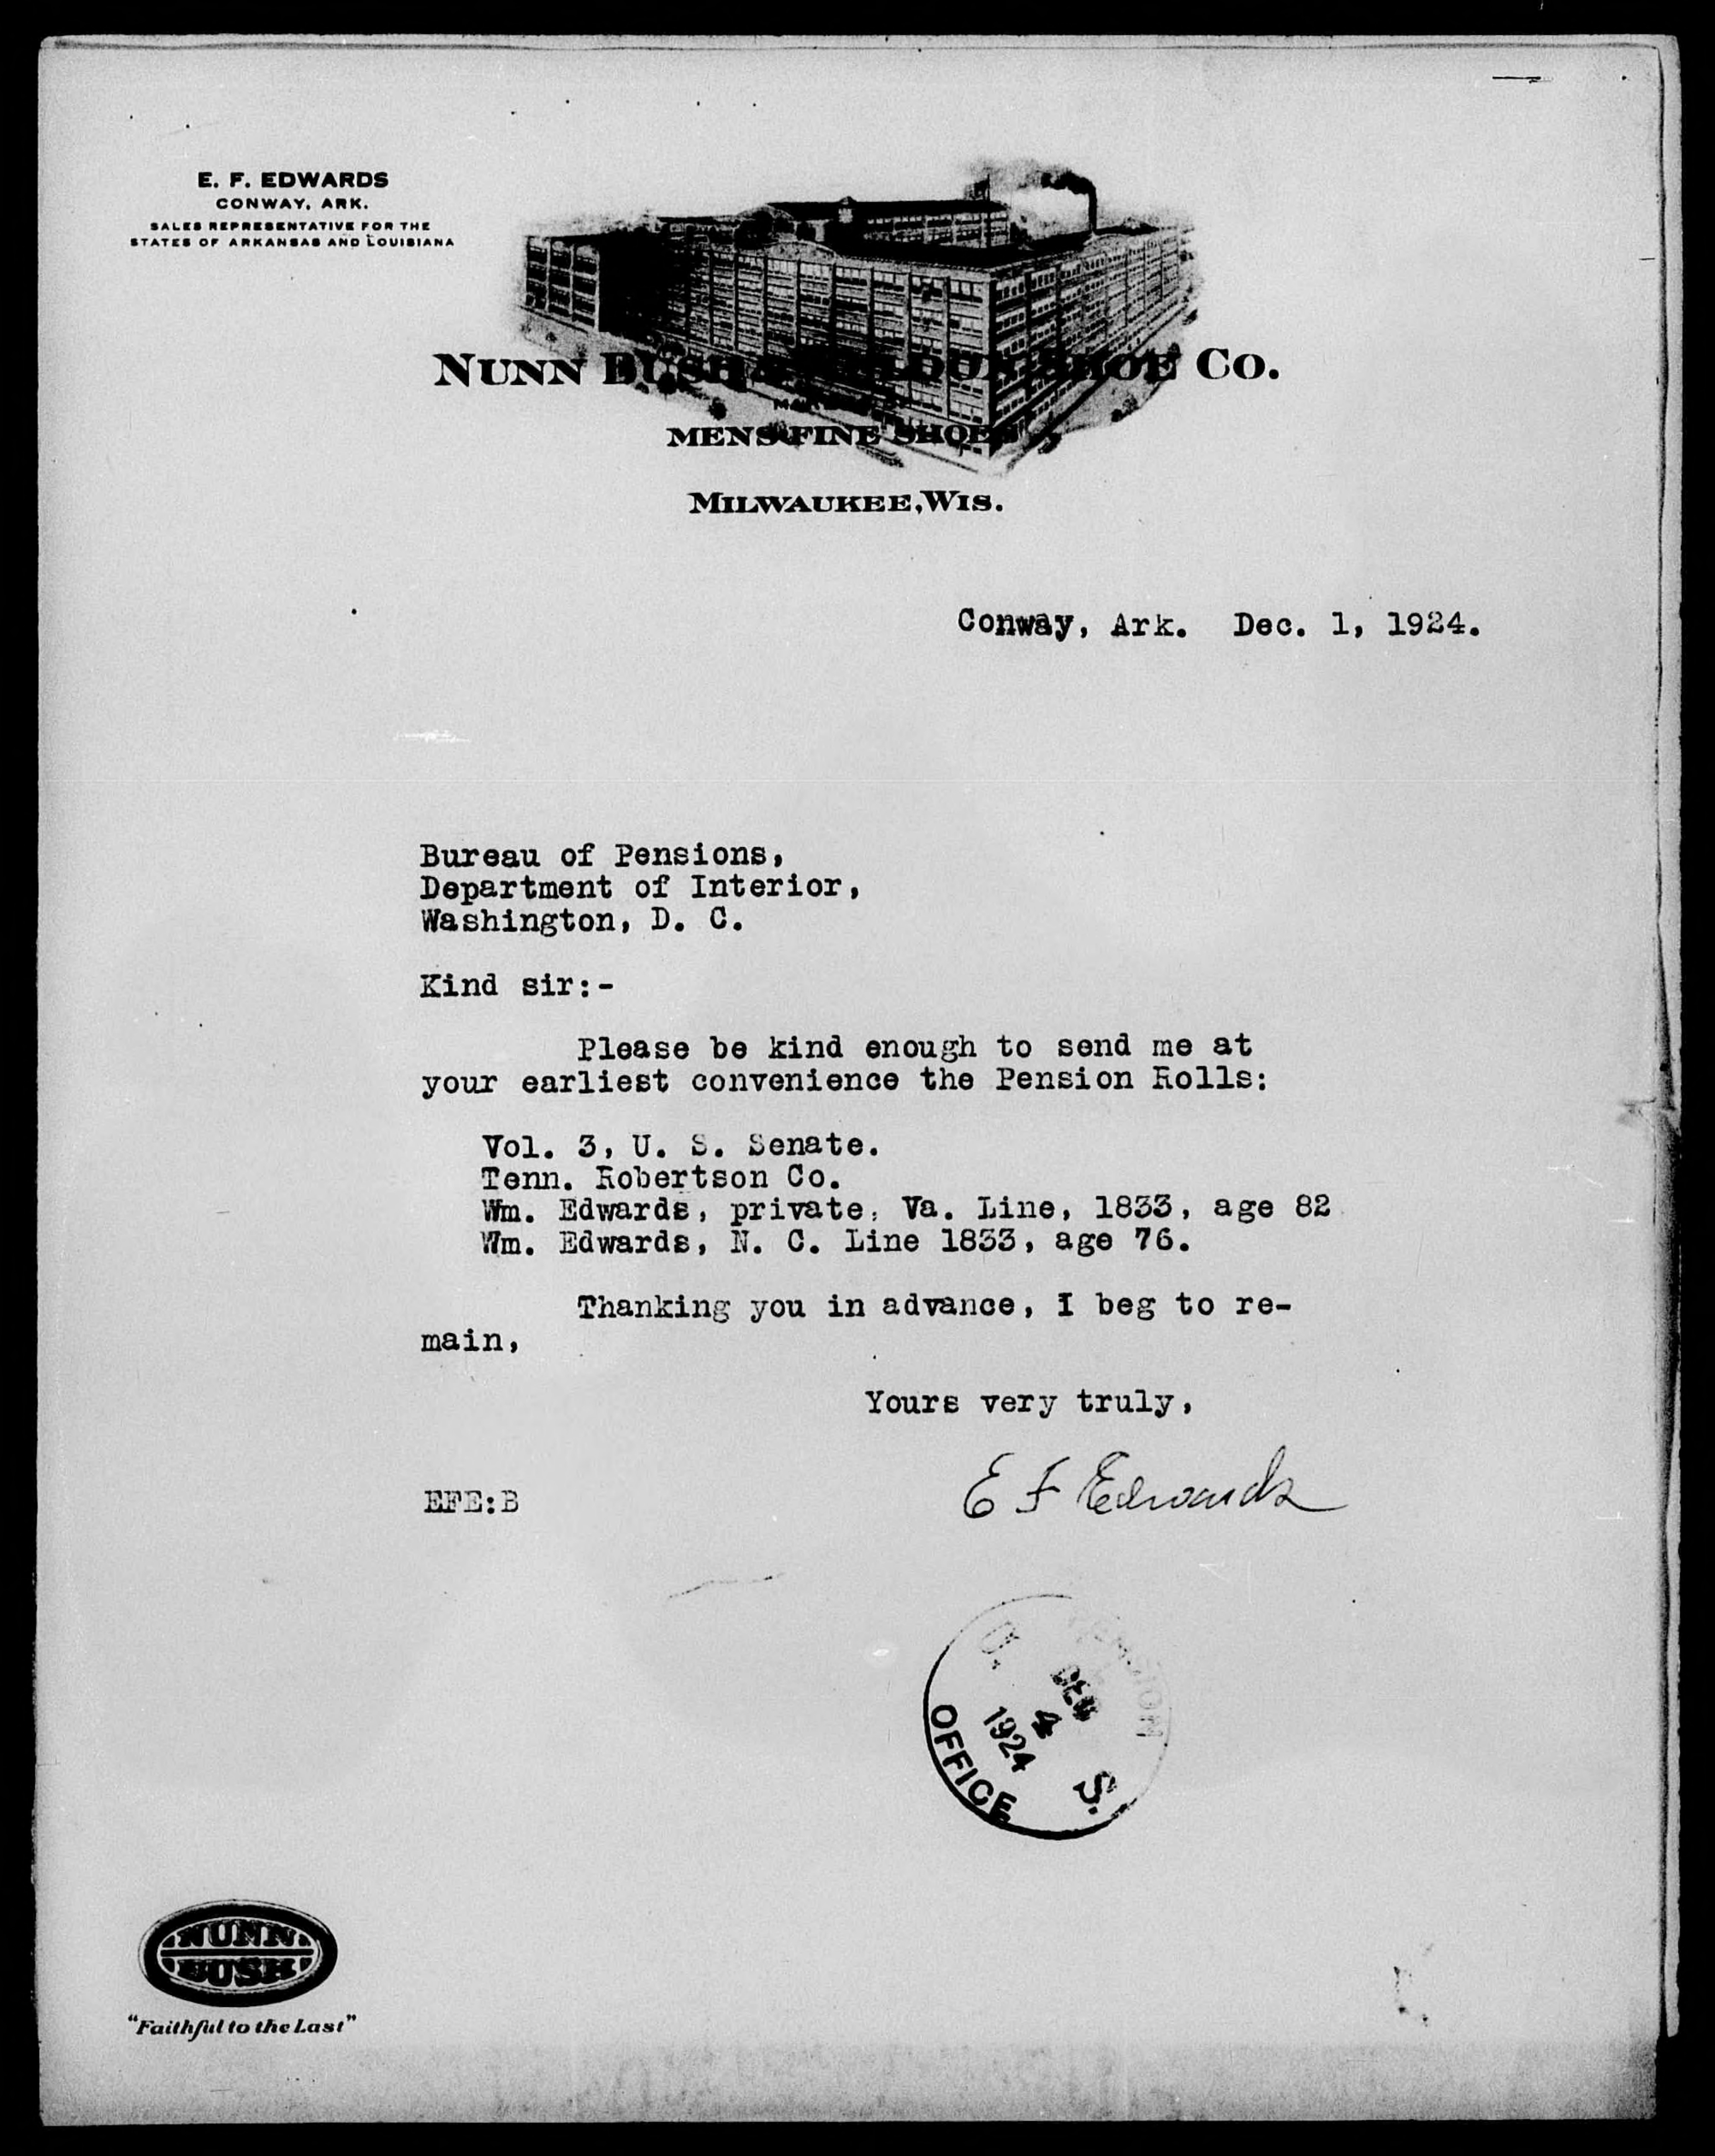E. F. EDWARDS
CONWAY, ARK.
SALES REPRESENTATIVE FOR THE
STATES OF ARKANSAS AND LOUISIANA
NUNN BUSH [illegible] SHOE CO.
MENS FINE SHOES
MILWAUKEE, WIS.

Conway, Ark. Dec. 1, 1924.

Bureau of Pensions,
Department of Interior,
Washington, D. C.

Kind sir:-
Please be kind enough to send me at your earliest convenience the Pension Rolls:

Vol. 3, U. S. Senate.
Tenn. Robertson Co.
Wm. Edwards, private, Va. Line, 1833, age 82
Wm. Edwards, N. C. Line 1833, age 76.

Thanking you in advance, I beg to remain,
Yours very truly,
EFE: B E F Edwards

NUNN
BUSH
"Faithful to the Last"

[stamp]
PENSION
L
DEC
U. 4 S.
1924
OFFICE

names: Wm Edwards, E F Edwards, Wm Edwards, E F Edwards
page: 37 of 47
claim: survivor's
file: S. 3,322, William Edwards, Va.